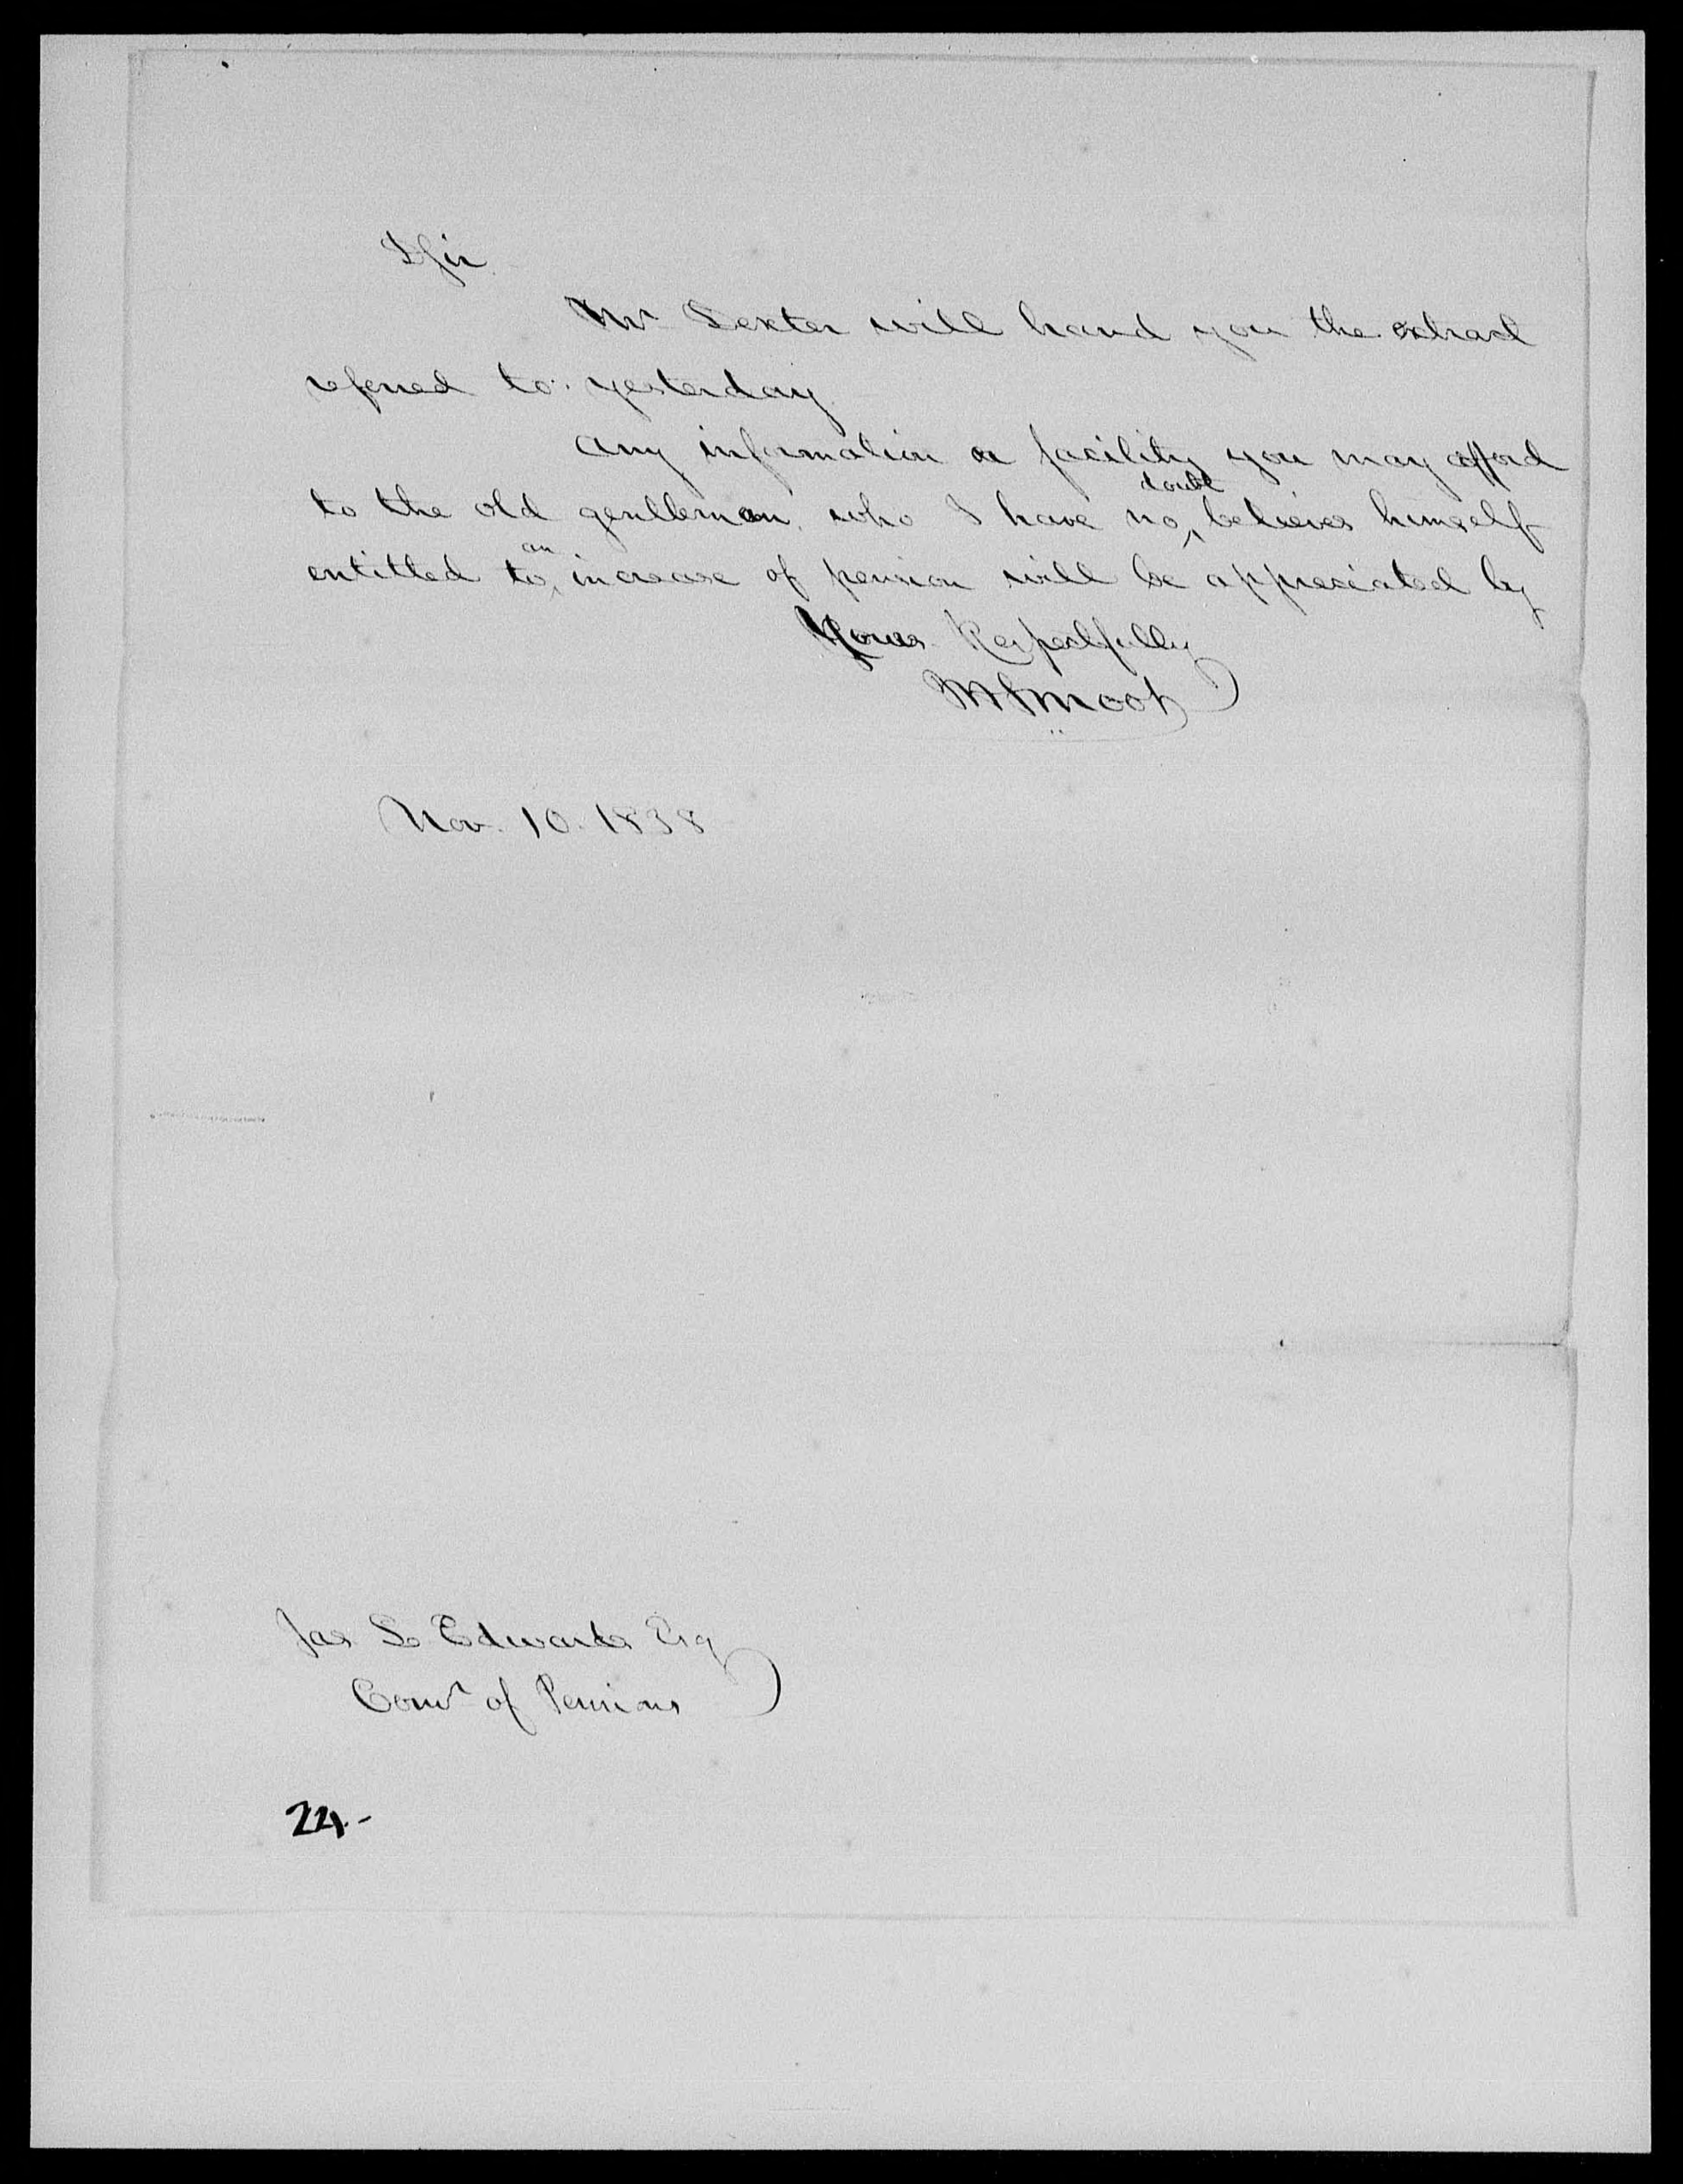D Sir
Mr Dexter will hand you the extract referred to yesterday.
Any information or facility you may afford to the old gentleman, who I have no ^doubt believes himself entitled to ^an increase of pension will be appreciated by
Yours Respectfully
J H Smoot
Nov. 10, 1838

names: Dexter, J H Smoot, Jas L Edwards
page: 10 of 35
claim: survivor's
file: S. 18374, Nathan Dexter, R.I.